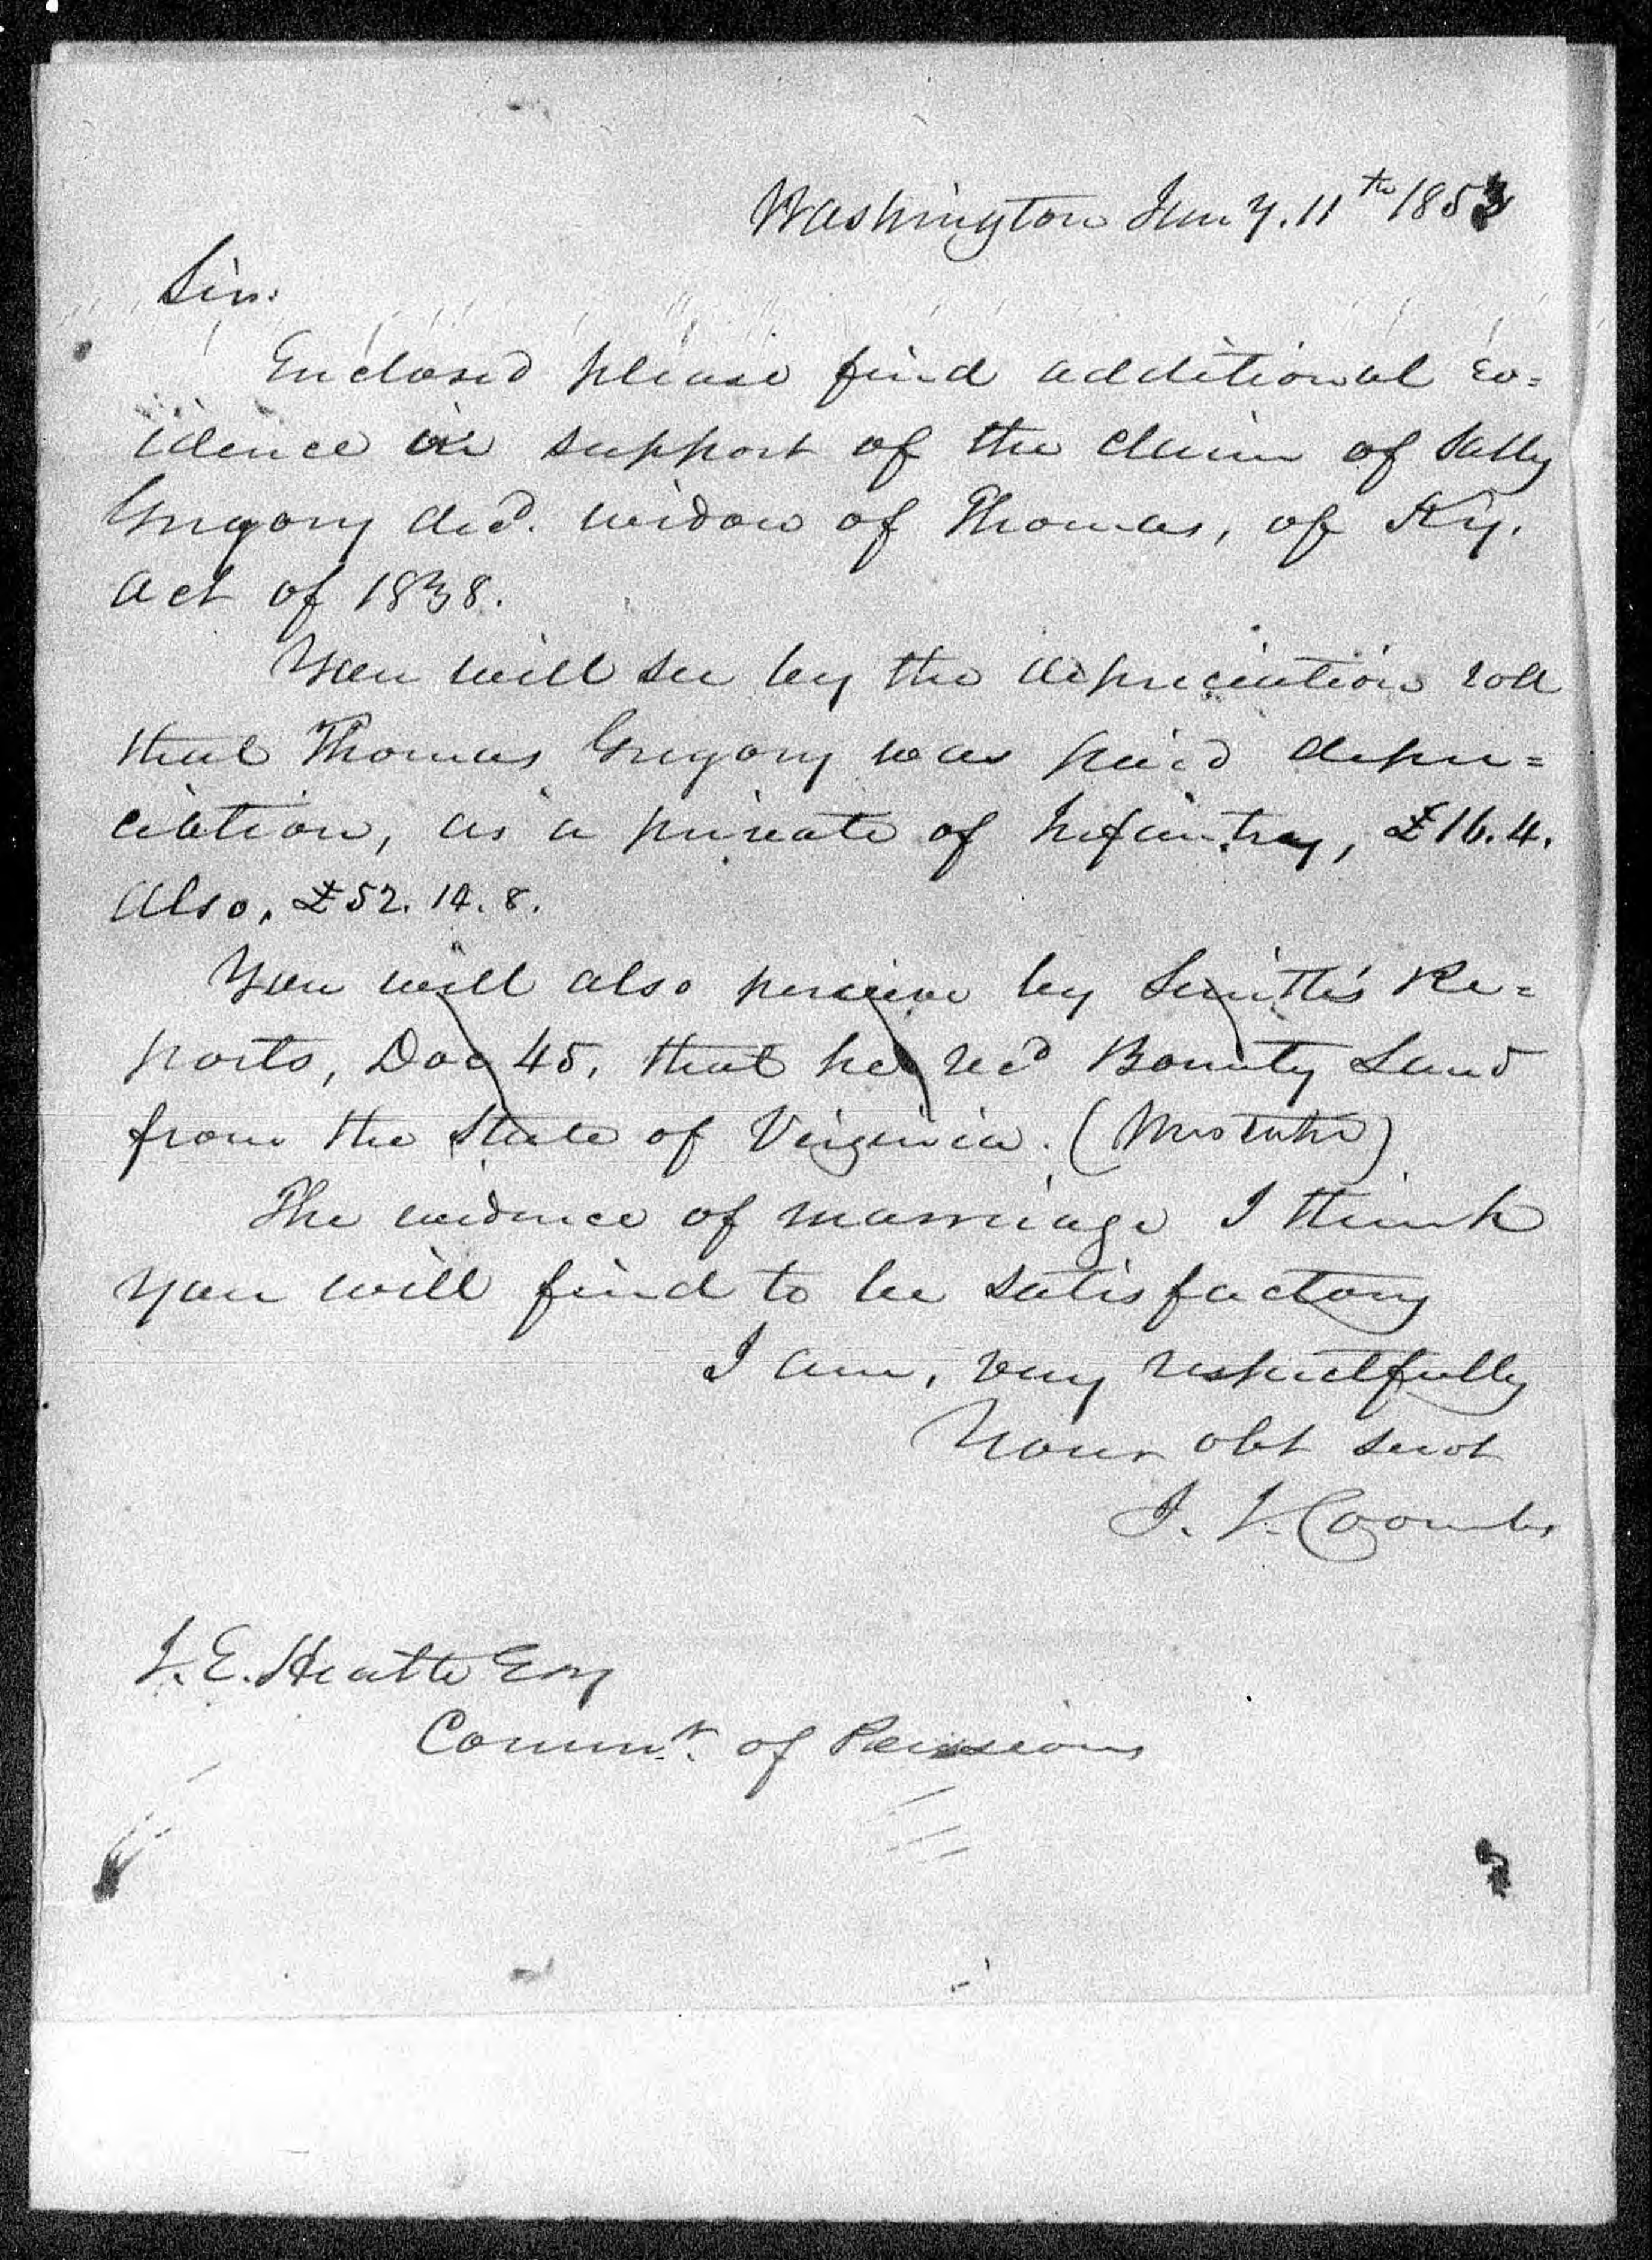Washington Jan'y. 11th 1853
Sir,
Enclosed please find additional evidence in support of the claim of Sally Gregory dec'd. widow of Thomas, of Ky. Act of 1838.
You will see by the depreciations roll that Thomas Gregory was paid depreciation, as a private of Infantry, £16.4, Also, £52.14.8.
[next paragraph marked through:
You will also perceive by Smith's Reports, Doc 45, that he rec'd Bounty Land from the State of Virginia. (Mistake)]
The evidence of marriage I think you will find to be satisfactory.
I am, very respectfully
Your obt servt
J. J. Coombs

L. E. Heath Esq
Comm'r. of Pensions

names: Thomas Gregory, Thomas Gregory, J J Coombs, J E Heath, Sally Gregory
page: 46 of 75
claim: widow's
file: W. 8876, Thomas Gregory, Continental Va